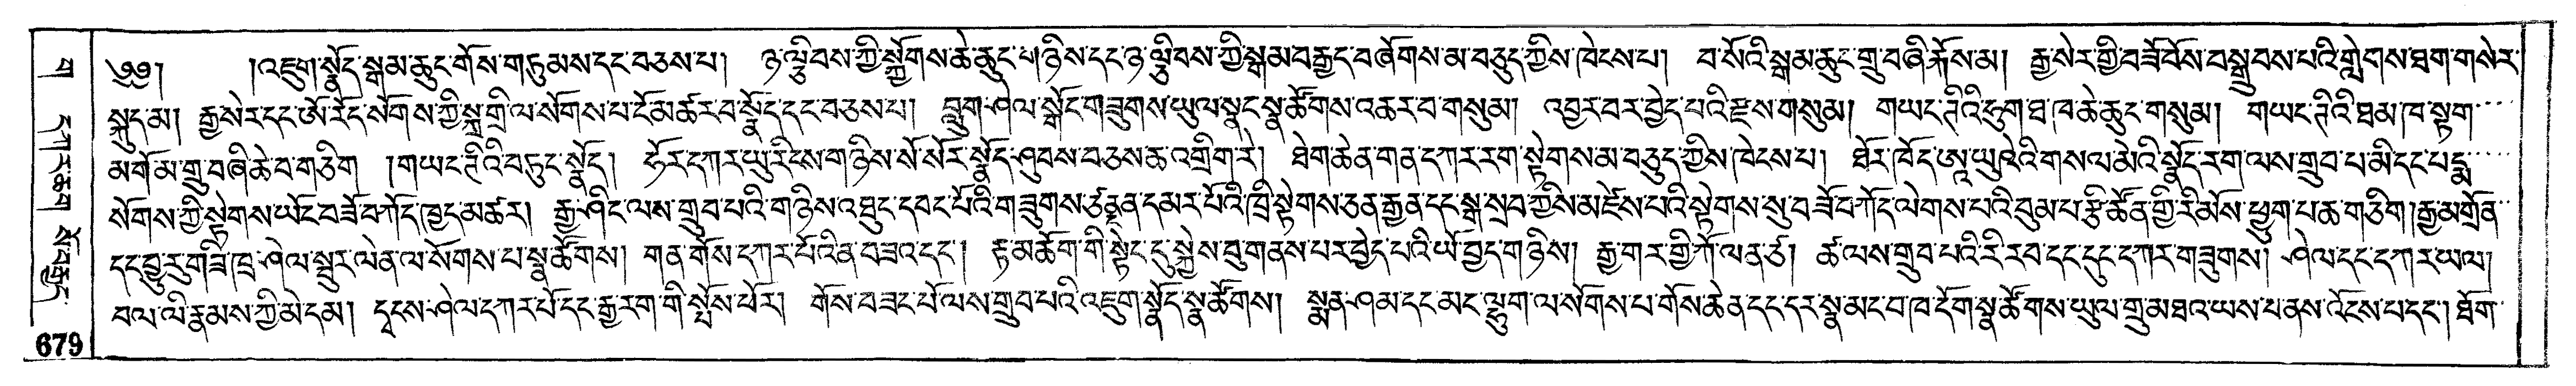༄༅། །འཇུག་སྣོད་སྒམ་ཆུང་གོས་གཏུམས་དང་བཅས་པ། ཉ་ལྕིབས་ཀྱི་སྐྱོགས་ཆེ་ཆུང་གཉིས་དང་ཉ་ལྕིབས་ཀྱི་སྒམ་བརྒྱད་བཞོགས་མ་བཅུད་ཀྱིས་ཁེངས་པ། བ་སོའི་སྒམ་ཆུང་གྲུ་བཞི་རྐོས་མ། རྒྱ་སེར་གྱི་བཟོ་བོས་བསྒྲུབས་པའི་གླེགས་ཐག་གསེར་
སྐུད་མ། རྒྱ་སེར་དང་ཨོ་རོད་སོགས་ཀྱི་སྐྲ་གྲི་ལ་སོགས་པ་ངོ་མཚར་བ་སྣོད་དང་བཅས་པ། བླུག་ཤེལ་སྒོང་གཟུགས་ཡུལ་སྣང་སྣ་ཚོགས་འཆར་བ་གསུམ། འབྱར་བར་བྱེད་པའི་རྫས་གསུམ། གཡང་ཊིའི་ཧུག་ཐ་ཁ་ཆེ་ཆུང་གསུམ། གཡང་ཊིའི་ཐམ་ཁ་སྟག་
མགོ་མ་གྲུ་བཞི་ཆེ་བ་གཅིག །གཡང་ཊིའི་བ་ཏུང་སྣོད༑ ཧོར་དཀར་ཡུ་རིངས་གཉིས་སོ་སོར་སྣོད་ཤུབས་བཅས་ཆ་འགྲིག་རེ། ཐེག་ཆེན་གན་དཀར་རག་སྟེགས་མ་བཅུད་ཀྱིས་ཁེངས་པ། ཐོར་ཁོད་ཨཱ་ཡུ་ཥེའི་གསལ་མེའི་སྣོད་རག་ལས་གྲུབ་པ་མི་དང་པདམ་
སོགས་ཀྱི་སྟེགས་ཡོད་བཟོ་བཀོད་ཁྱད་མཚར། རྒྱ་ཤིང་ལས་གྲུབ་པའི་གཉིས་འཐུང་དབང་པོའི་གཟུགས་ཙནྡན་དམར་བོའི་ཁྲི་སྟེགས་ཅན་རྒྱན་དང་སྒ་སྲབ་ཀྱིས་མཛེས་བའི་སྟེགས་སུ་བཟོ་བཀོད་ལེགས་པའི་བུམ་པ་རྩི་ཚོན་གྱི་རི་མོས་ཕྱུག་པ་ཆ་གཅིག །རྒྱ་མགྲོན་
དང་བྱུ་རུ་གཟི་ཁྲ་ཤེལ་སྦུར་ལེན་ལ་སོགས་པ་སྣ་ཚོགས། གན་གོས་དཀར་པོའི་ན་བཟའ་དང་། རྟ་མཆོག་གི་སྟེང་དུ་སྐྱེས་བུ་གནས་པར་བྱེད་པའི་ཡོ་བྱད་གཉིས། རྒྱ་གར་གྱི་ཀོ་ལན་ཅ། ཚ་ལས་གྲུབ་པའི་རི་རབ་དང་དུང་དཀར་གཟུགས། ཤེལ་དང་དཀར་ཡལ།
བལ་ལི་རྣམས་ཀྱི་མེ་དམ། དྭངས་ཤེལ་དཀར་པོ་དང་རྒྱ་རག་གི་སྤོས་ཕོར། གོས་བཟང་པོ་ལས་གྲུབ་པའི་འཇུག་སྣོད་སྣ་ཚོགས། སྨན་ཤམ་དང་མང་ལྷུག་ལ་སོགས་པ་གོས་ཆེན་དང་དར་སྣ་མང་བ་ཁ་དོག་སྣ་ཚོགས་ཡུལ་གྲུ་མཐའ་ཡས་པ་ནས་འོངས་པ་དང་། ཐོག་